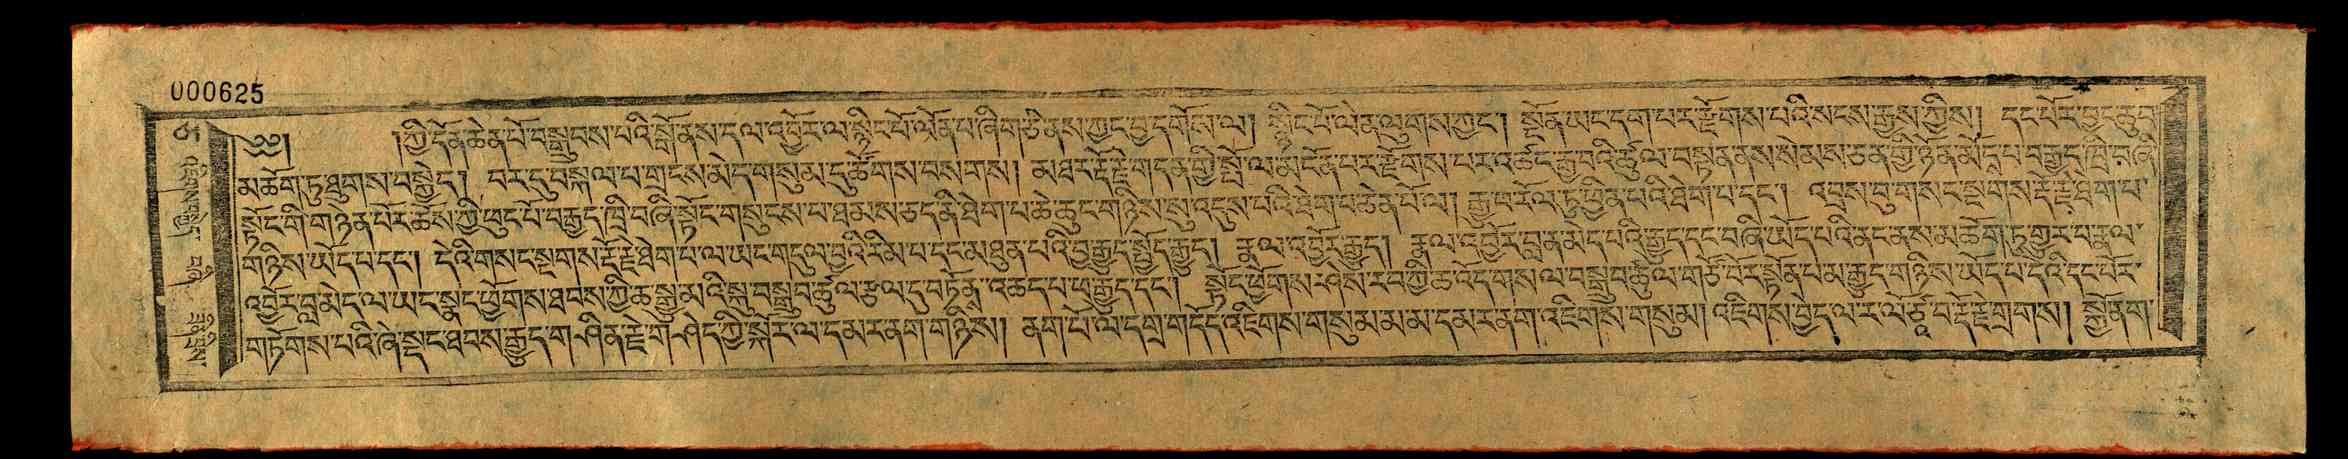༄༅། །ཀྱི་དོན་ཆེན་པོ་བསྒྲུབས་པའི་སྒོ་ནས་དལ་འབྱོར་ལ་སྙིང་པོ་ལོན་པ་ཞིག་ཅི་ནས་ཀྱང་བྱ་དགོས་ལ་།སྙིང་པོ་ལེན་ལུགས་ཀྱང་།སྔོན་ཡང་དག་པར་རྫོགས་པའི་སངས་རྒྱས་ཀྱིས་།དང་པོར་བྱང་ཆུབ་
མཆོག་ཏུ་ཐུགས་བསྐྱེད་།བར་དུ་བསྐལ་པ་གྲངས་མེད་གསུམ་དུ་ཚོགས་བསགས། མཐར་རྡོ་རྗེ་གདན་གྱི་སྤོ་ལ་མངོན་པར་རྫོགས་པར་འཚང་རྒྱ་བའི་ཚུལ་བསྟན་ནས་སེམས་ཅན་གྱི་ཉོན་མོངས་པ་བརྒྱད་ཁྲི་བཞི་
སྟོང་གི་གཉེན་པོར་ཆོས་ཀྱི་ཕུང་པོ་བརྒྱད་ཁྲི་བཞི་སྟོང་གསུངས་པ་ཐམས་ཅད་ནི་ཐེག་པ་ཆེ་ཆུང་གཉིས་སུ་འདུས་པའི་ཐེག་པ་ཆེན་པོ་ལ། རྒྱུ་ཕ་རོལ་ཏུ་ཕྱིན་པའི་ཐེག་པ་དང་། འབྲས་བུ་གསང་སྔགས་རྡོ་རྗེ་ཐེག་པ་
གཉིས་ཡོད་པ་དང་།དེའི་གསང་སྔགས་རྡོ་རྗེ་ཐེག་པ་ལ་ཡང་གདུལ་བྱའི་རིམ་པ་དང་མཐུན་པའི་བྱ་རྒྱུད་སྤྱོད་རྒྱུད་།རྣལ་འབྱོར་རྒྱུད་།རྣལ་འབྱོར་བླ་ན་མེད་པའི་རྒྱུད་དང་བཞི་ཡོད་པའི་ནང་ནས་མཆོག་ཏུ་གྱུར་པ་རྣལ་
འབྱོར་བླ་མེད་ལ་ཡང་སྣང་ཕྱོགས་ཐབས་ཀྱི་ཆ་སྒྱུ་མའི་སྐུ་བསྒྲུབ་ཚུལ་རྩལ་དུ་བཏོན་ནས་འཆད་པ་ཕ་རྒྱུད་དང་།སྟོང་ཕྱོགས་ཤེས་རབ་ཀྱི་ཆ་འོད་གསལ་བསྒྲུབ་ཚུལ་གཙོ་བོར་སྟོན་པ་མ་རྒྱུད་གཉིས་ཡོད་པ་དེའི་དང་པོར་
གཏོགས་པའི་ཞེ་སྡང་ཐབས་རྒྱུད་གཤིན་རྗེ་གཤེད་ཀྱི་སྐོར་ལ་དམར་ནག་གཉིས། ནག་པོ་ལ་དགྲ་གདོང་འཇིགས་གསུམ་མམ་དམར་ནག་འཇིགས་གསུམ། འཇིགས་བྱེད་ལ་རྭ་ལོ་ཙཱ་བ་རྡོ་རྗེ་གྲགས། སྐྱོ་ནག་